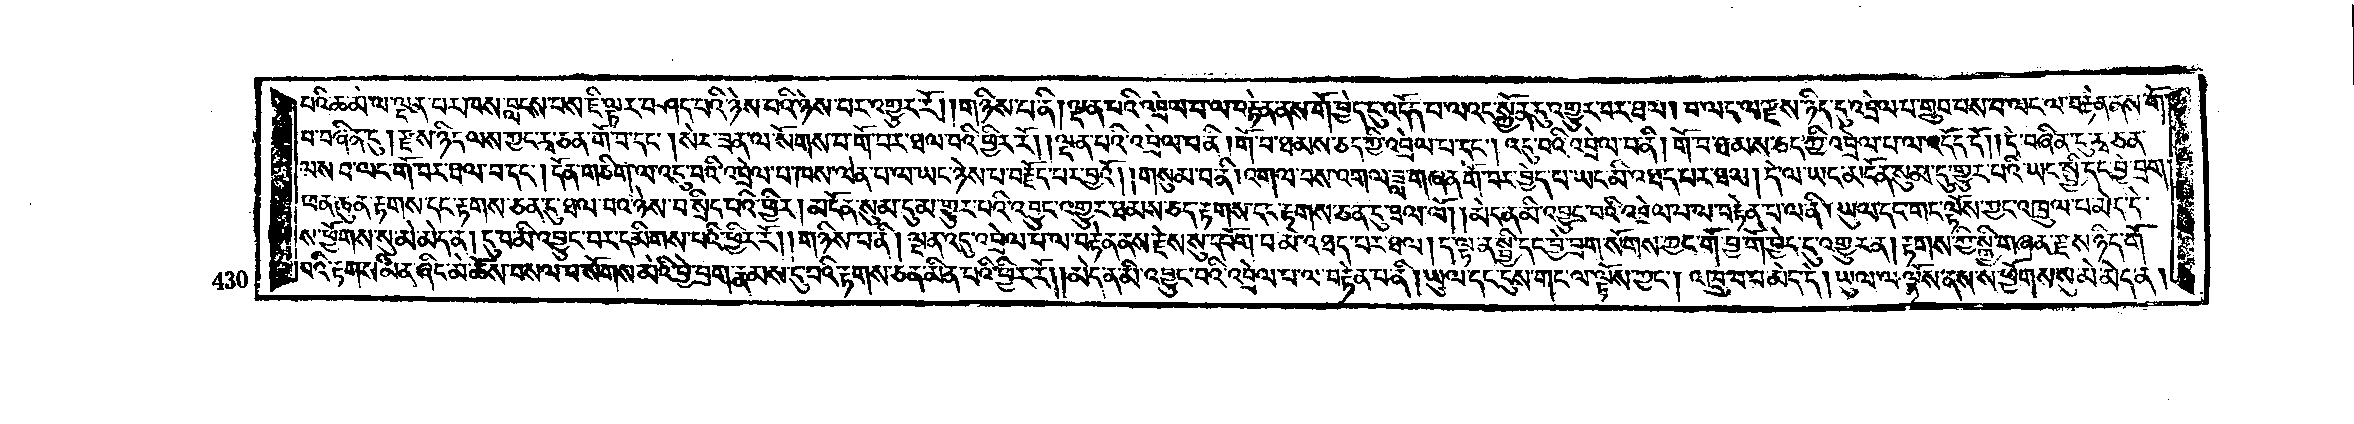པའི་ཆ་མེ་ལ་ལྡན་པར་ཁས་བླངས་པས་ཇི་ལྟར་བཤད་པའི་ཉེས་པར་འགྱུར་རོ། །གཉིས་པ་ནི། ལྡན་པའི་འབྲེལ་པ་ལ་བརྟེན་ནས་གོ་བྱེད་དུ་འདོད་པ་ལའང་སྐྱོན་དུ་འགྱུར་བར་ཐལ། བ་ལང་ལ་རྫས་ཉིད་དུ་འབྲེལ་པ་གྲུབ་པས་བ་ལང་ལ་བརྟེན་ནས་གོ་
བ་བཞིན་དུ། རྫས་ཡིད་ལས་ཀྱང་རVཨ་ཅན་གོ་བ་དང་། སེར་ཟན་ལ་སོགས་པ་གོ་བར་ཐལ་བའི་ཕྱིར་རོ། །ལྡན་པའི་འབྲེལ་བ་ནི། གོ་བ་ཐམས་ཅད་ཀྱི་འབྲེལ་བ་དང་། འདུ་བའི་འབྲེལ་བ་ནི། གོ་བ་ཐམས་ཅད་ཀྱི་འབྲེལ་པ་ལ་འདོད་དོ། །དེ་བཞིན་དུ་རVཨ་ཅན་
ལས་བ་ལང་གོ་བར་ཐལ་བ་དང་། དོན་གཅིག་ལ་འདུ་བའི་འབྲེལ་པ་ཁས་ལེན་པ་ལ་ཡང་ཉེས་པ་བརྗོད་པར་བྱའོ། །གསུམ་པ་ནི། འགལ་བས་འགལ་ཟླ་གཞན་གོ་བར་བྱེད་པ་ཡང་མི་འཐད་པར་ཐལ། དེ་ལ་ཡང་མངོན་སུམ་དུ་གྱུར་པའི་ཡང་སྤྱི་དང་བྱེ་བྲག་
ཕན་ཆུན་རྟགས་དང་རྟགས་ཅན་དུ་ཐལ་བའི་ཉེས་བ་སྲིད་པའི་ཕྱིར། མངོན་སུམ་དུམ་གྱུར་པའི་འབྱུང་འགྱུར་ཐམས་ཅད་རྟགས་དང་རྟགས་ཅན་དུ་ཐལ་ལོ། །མེད་ན་མི་འབྱུང་བའི་འབྲེལ་ལ་བརྟེན་པ་ལ་ནི། ཡུལ་དང་གང་ལྟོས་ཀྱང་འཁྲུལ་པ་མེད་དེ་
ས་ཕྱོགས་སུ་མེ་མེད་ན། དུ་བ་མི་འབྱུང་བར་དམིགས་པའི་ཕྱིར་རོ། །གཉིས་པ་ནི། ལྡན་འདུ་འབྲེལ་པ་ལ་བརྟེན་ནས་རྗེས་སུ་དཔོག་པ་མེ་འཐད་པར་ཐལ། དེ་ལྟ་ན་སྦྱི་དང་བྱེ་བྲག་སོགས་ཀྱང་གོ་བྱ་གོ་བྱེད་དུ་འགྱུར་ན། རྟགས་ཀྱི་སྒྱི་གཞན་རྗེས་ཉིད་གོ་
བའི་རྟགས་མིན་ཞིང་མེ་ཆོས་བསལ་བ་སོགས་མེའི་བྱེ་བྲག་རྣམས་དུ་བའི་རྟགས་ཅན་མིན་པའི་ཕྱིར་རོ། །མེད་ན་མི་འབྱུང་བའི་འབྲེལ་པ་ལ་བརྟེན་པ་ནི། ཡུལ་དང་དུས་གང་ལ་ལྟོས་ཀྱང་། འཁྲུལ་པ་མེད་དེ། ཡུལ་ལ་ལྟོས་ནས་ས་ཕྱོགས་སུ་མེ་མེད་ན།